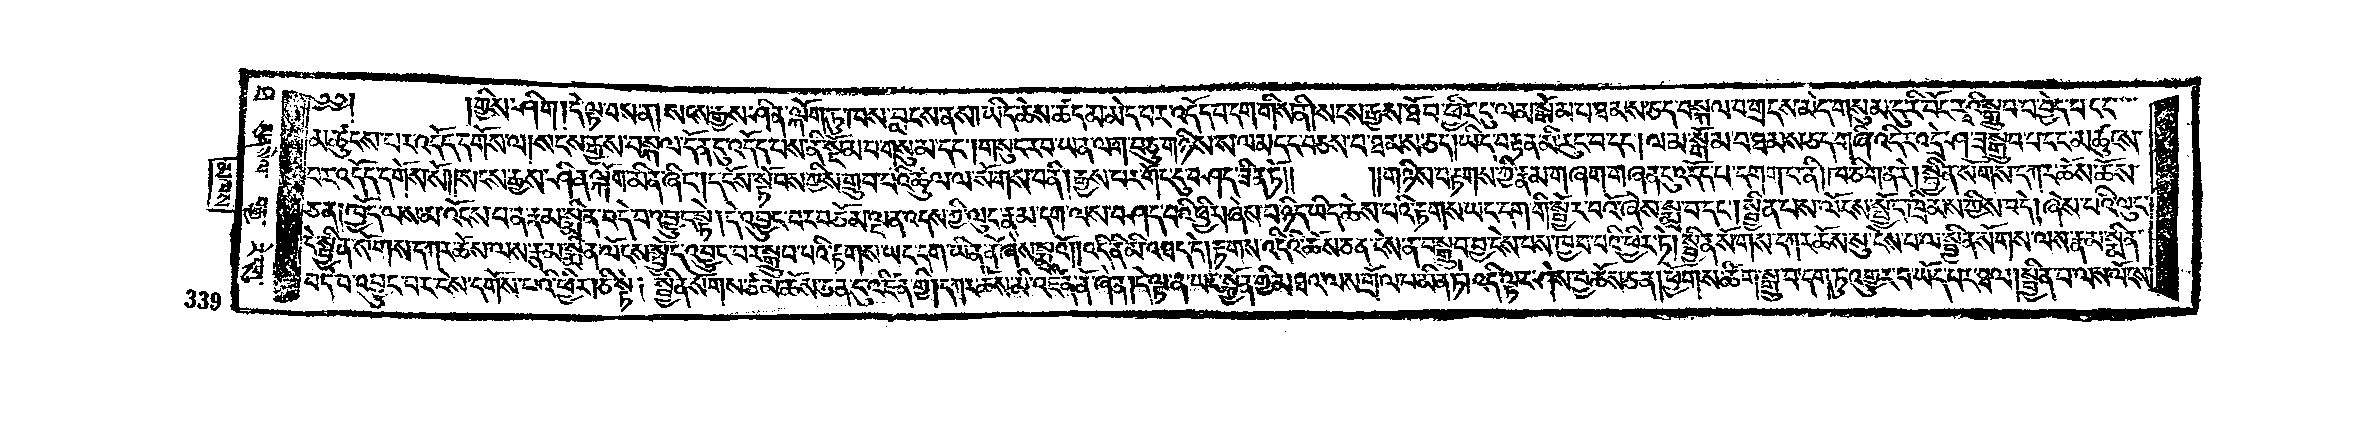༄༅། །གྱིས་ཤིག །དེ་ལྟ་བས་ན། སངས་རྒྱས་ཤིན་ལྐོག་ཏུ་ཁས་བླངས་ནས། ཡིད་ཆེས་ཚད་མ་མེད་པར་འདོད་པ་དག་གིས་ནི། སངས་རྒྱས་ཐོབ་ཕྱིར་དུ་ལམ་སྒོམ་པ་ཐམས་ཅད་བསྐལ་པ་གྲངས་མེད་གསུམ་དུ་རི་བོང་རྭའི་སྒྲུབ་པ་བྱེད་པ་དང་
མཚུངས་པར་འདོད་དགོས་ལ། སངས་རྒྱས་བསྐལ་དོན་དུ་འདོད་པས་ནི་སྡོམ་པ་གསུམ་དང་། གསུང་རབ་ཡན་ལག་བཅུ་གཉིས་ས་ལམ་དང་བཅས་པ་ཐམས་ཅད། ཡིད་བརྟན་མི་རུང་བ་དང་། ལམ་སྒོམ་པ་ཐམས་ཅད་གཞི་འདིར་འདྲེ་ཤ་ཟ་སྒྲུབ་པ་དང་མཚུངས་
པར་འདོད་དགོས་སོ། །སངས་རྒྱས་ཤིན་ལྐོག་མིན་ཞིང་། དངོས་སྟོབས་ཀྱིས་གྲུབ་པའི་ཚུལ་ལ་སོགས་པ་ནི། རྒྱས་པར་གོང་དུ་བཤད་ཟིན་ཏོ།། །།གཉིས་པ་རྟགས་ཀྱི་རྣམ་གཞག་གཞན་དུ་འདོད་པ་དགག་པ་ནི། ཁ་ཅིག་ན་རེ། སྦྱིན་སོགས་དཀར་ཆོས་ཆོས་
ཅན། ཁྱོད་ལས་མ་འོངས་པ་ན་རྣམ་སྨིན་བདེ་བ་འབྱུང་སྟེ། དེ་འབྱུང་བར་བཅོམ་ལྡན་འདས་ཀྱི་ལུང་རྣམ་དག་ལས་བཤད་པའི་ཕྱིར། ཞེས་པ་ཉིད་ཡིད་ཆེས་པའི་རྟགས་ཡང་དག་གི་སྦྱོར་བའོ་ཞེས་སྨྲ་བ་དང་། སྦྱིན་པས་ལོངས་སྤྱོད་ཁྲིམས་ཀྱིས་བདེ། ཞེས་པའི་ལུང་
དེ་སྦྱིན་སོགས་དཀར་ཆོས་ལས་རྣམ་སྨིན་ལོངས་སྤྱོད་འབྱུང་བར་སྒྲུབ་པའི་རྟགས་ཡང་དག་ཡིན་ནོ་ཞེས་སྨྲའོ། །འདི་ནི་མི་འཐད་དེ། རྟགས་འདིའི་ཆོས་ཅན་ངེས་ན་བསྒྲུབ་བྱ་ངེས་པས་ཁྱབ་པའི་ཕྱིར་ཏེ། སྦྱིན་སོགས་དཀར་ཆོས་སུ་ངེས་པ་ལ་སྦྱིན་སོགས་ལས་རྣམ་སྨིན་
བདེ་བ་འབྱུང་བར་ངེས་དགོས་པའི་ཕྱིར། ཅི་སྟེ། སྦྱིན་སོགས་ཙམ་ཆོས་ཅན་དུ་འཛིན་གྱི། དཀར་ཆོས་མི་འཛིན་ནོ་ཞེ་ན། དེ་ལྟ་ན་ཡང་སྐྱོན་གྱི་མཐའ་ལས་གྲོལ་པ་མིན་ཏེ། འདི་ལྟར་ཤེས་བྱ་ཆོས་ཅན། ཕྱོགས་ཚིག་སྒྲུབ་དག་ཏུ་འགྱུར་བ་ཡོད་པར་ཐལ། སྦྱིན་པ་ལས་ལོངས་